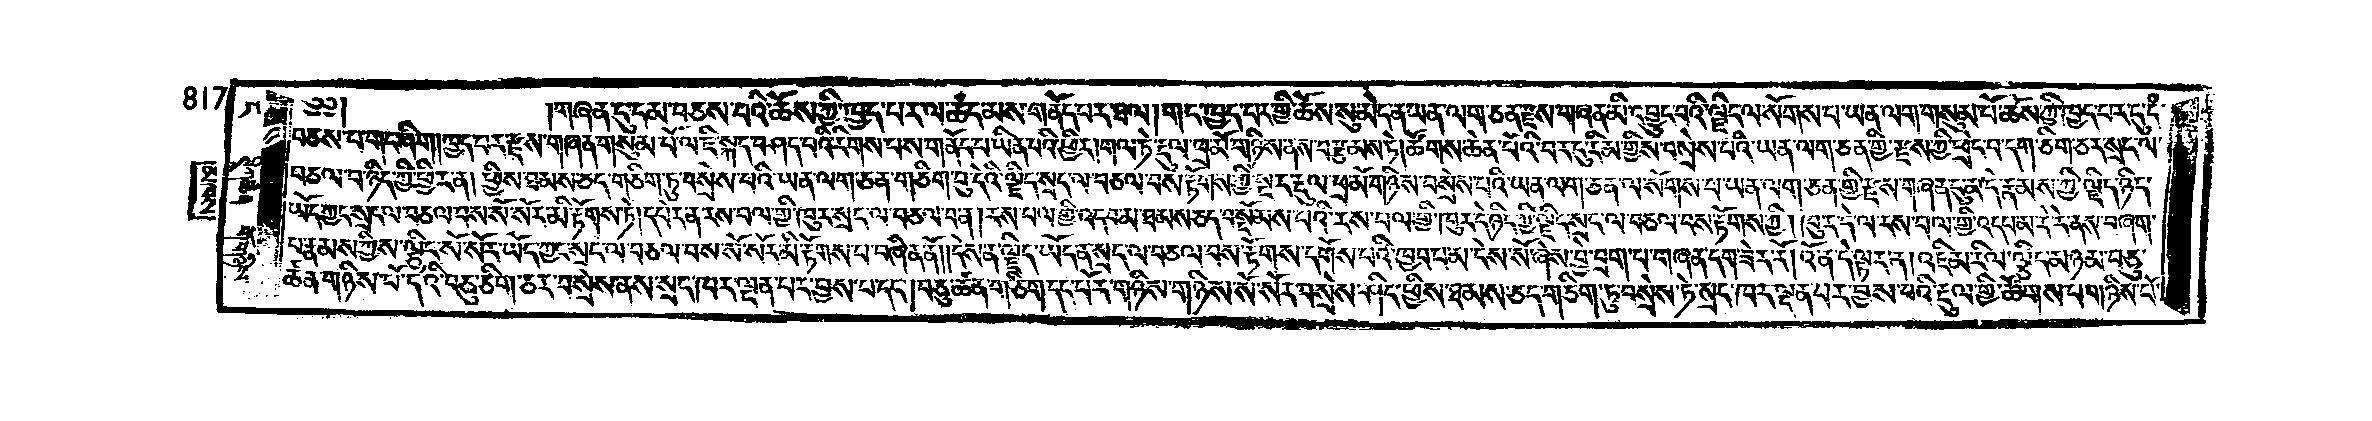༄༅། །གཞན་དུ་དམ་བཅས་པའི་ཆོས་ཀྱི་ཁྱད་པར་ལ་ཚད་མས་གནོད་པར་ཐལ། གང་ཁྱད་པར་གྱི་ཆོས་སུ་མེད་ན་ཡན་ལག་ཅན་རྫས་གཞན་མི་འབྱུང་བའི་ལྗིད་ལ་སོགས་པ་ཡན་ལག་གསུམ་པོ་ཆོས་ཀྱི་ཁྱད་པར་དུ་དམ་
བཅས་པ་གང་ཞིག །ཁྱད་པར་རྫས་གཞན་གསུམ་པོ་ལ་ཇི་སྐད་བཤད་པའི་རིགས་པས་གནོད་པ་ཡིན་པའི་ཕྱིར། གལ་ཏེ་རྡུལ་ཕྲ་མོ་གཉིས་ནས་བརྩམས་ཏེ། ཚོགས་ཆེན་པོའི་བར་དུ་རིམ་གྱིས་བསྲེས་པའི་ཡན་ལག་ཅན་གྱི་རྫས་ཀྱི་ཕྲེང་བ་དག་ཅིག་ཅར་སྲང་ལ་
བཅལ་བ་ཉིད་ཀྱི་ཕྱིར་ན། ཕྱིས་ཐམས་ཅད་གཅིག་ཏུ་བསྲེས་པའི་ཡན་ལག་ཅན་གཅིག་བུ་དེའི་ལྗིད་སྲང་ལ་བཅལ་བས་རྟོགས་ཀྱི་སྔར་རྡུལ་ཕྲ་མོ་གཉིས་བསྲེས་པའི་ཡན་ལག་ཅན་ལ་སོགས་པ་ཡན་ལག་ཅན་གྱི་རྫས་གཞན་དུ་མ་དེ་རྣམས་ཀྱི་ལྗིད་ཉིད་
ཡོད་ཀྱང་སྲང་ལ་བཅལ་བས་སོ་སོར་མི་རྟོགས་ཏེ། དཔེར་ན་རས་བལ་གྱི་ཁུར་སྲང་ལ་བཅལ་བ་ན། རས་བལ་གྱི་འདབ་མ་ཐམས་ཅད་བསྡོམས་པའི་རས་བལ་གྱི་ཁུར་དེ་ཉིད་ཀྱི་ལྗིད་སྲང་ལ་བཅལ་བས་རྟོགས་ཀྱི། །ཁུར་དེ་ལ་རས་བལ་གྱི་འདབ་མ་རེ་རེ་ནས་བཞག་
པ་རྣམས་ཀྱིས་ལྕིད་སོ་སོར་ཡོད་ཀྱང་སྲང་ལ་བཅལ་བས་སོ་སོར་མི་རྟོགས་པ་བཞིན་ནོ། །དེས་ན་ལྗིད་ཡོད་ན་སྲང་ལ་བཅལ་བས་རྟོགས་དགོས་པའི་ཁྱབ་པ་མ་ངེས་སོ་ཞེས་བྱེ་བྲག་པ་གཞན་དག་ཟེར་རོ། འོ་ན་དེ་ལྟར་ན། འཇིམ་རིལ་ལྕིད་མཉམ་བཅུ་
ཚན་གཉིས་པོ་དེའི་བཅུ་ཅིག་ཅར་བསྲེས་ནས་སྲང་ཁར་ལྡན་པར་བྱས་པ་དང་། བཅུ་ཚན་གཅིག་དང་པོར་གཉིས་གཉིས་སོ་སོར་བསྲེས་ཤིང་ཕྱིས་ཐམས་ཅད་གཅིག་ཏུ་བསྲེས་ཏེ་སྲང་ཁར་ལྡན་པར་བྱས་པའི་རྡུལ་གྱི་ཚོགས་པ་གཉིས་པོ་